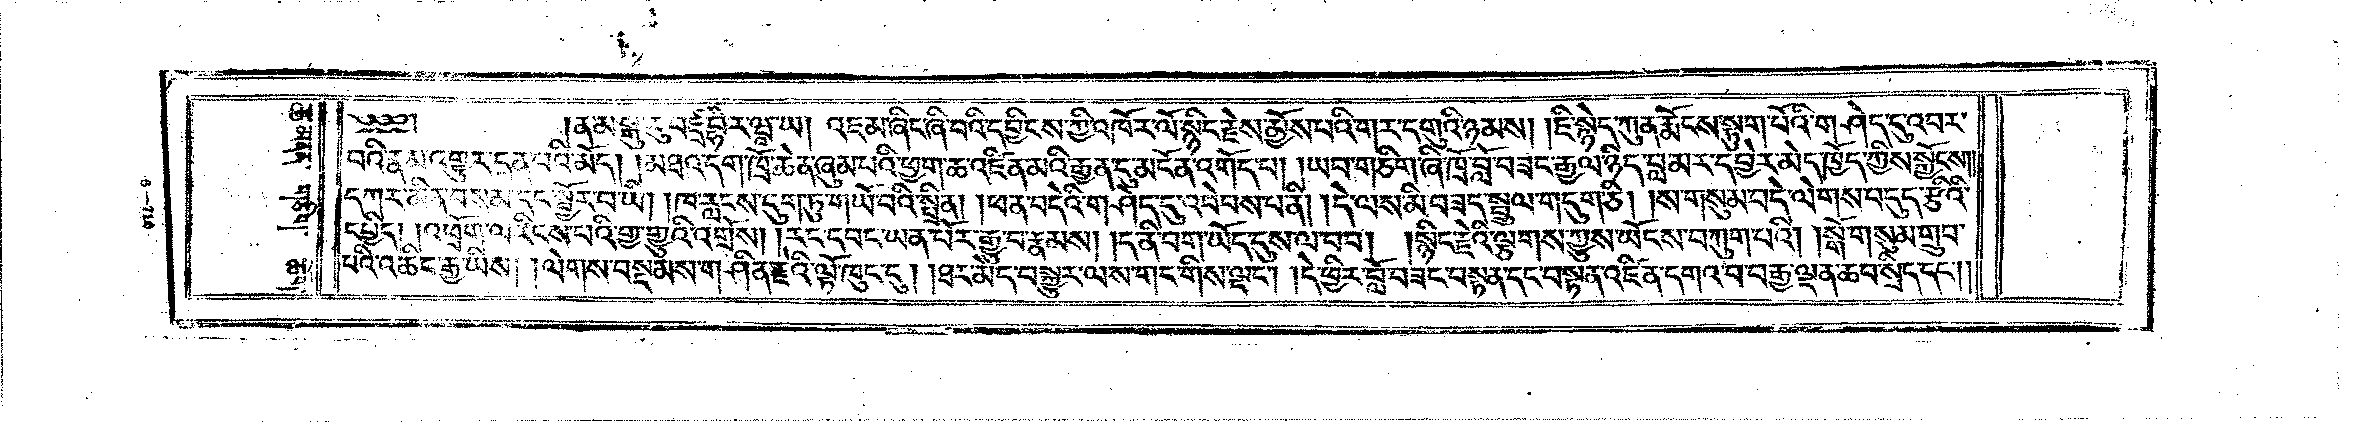༄༅༅། །ན་མ་སྒུ་རུ་བཛྲ་བྷཻ་ར་ཝཱ་ཡ། འཇམ་ཞིང་ཞི་བའི་དབྱིངས་ཀྱི་འཁོར་ལོ་སྙིང་རྗེས་མྱོས་པའི་གར་དགུའི་ཉམས། །མཇེ་སྙིད་ཀུན་རྨོངས་སྟུག་པོའི་གཤེད་དུ་འབར་
བའི་རྣམ་འགྱུར་དྲན་པའི་མོད། །མཐའ་དག་ཁྲོ་ཆེན་ཞུམ་པའི་ཕྱག་ཆ་འཛིན་མའི་རྒྱན་དུ་མངོན་འགོད་པ། །ཡབ་གཅིག་ཞི་ཁྲོ་བློ་བཟང་རྒྱལ་ཉིད་བླ་མར་དབྱེར་མེད་ཁྱོད་ཀྱིས་སྐྱོངས།།
དཀར་མིན་བསམ་དང་སྦྱོར་བ་ཡི། །ཁ་རླངས་དུག་ཏུ་གཡོ་བའི་སྤྲིན། །ཕན་བདེའི་གཤེད་དུ་འབེབས་པ་ནི། །དེ་ལས་མི་བཟད་སྤྲུལ་གདུག་ཅི། །ས་གསུམ་བདེ་ལེགས་བདུད་རྩིའི་
དཔྱིད། །འཕྲོག་ལ་རིང་ས་པའི་གྱ་གྱུའི་འགྲོས། །རང་དབང་ཡན་པོར་རྒྱུ་བ་རྣམས། །ད་ནི་བག་ཡོད་དུས་ལ་བབ། །སྙིང་རྗེའི་ལྕགས་ཀྱུས་ཡོངས་བཀུག་པའི། །སྒོ་གསུམ་གྲུབ་
པའི་འཆིང་རྒྱ་ཡིས། །ལེགས་བསྡམས་གཤིན་རྗེའི་ལྷོ་ཁུང་དུ། །ཐར་མེད་བསྐྱུར་ལས་གང་གིས་ལྡང་། །དེ་ཕྱིར་བློ་བཟང་བསྟན་དང་བསྟན་འཛིན་དགའ་བ་བརྒྱ་ལྡན་ཆབ་སྲིད་དང་། །